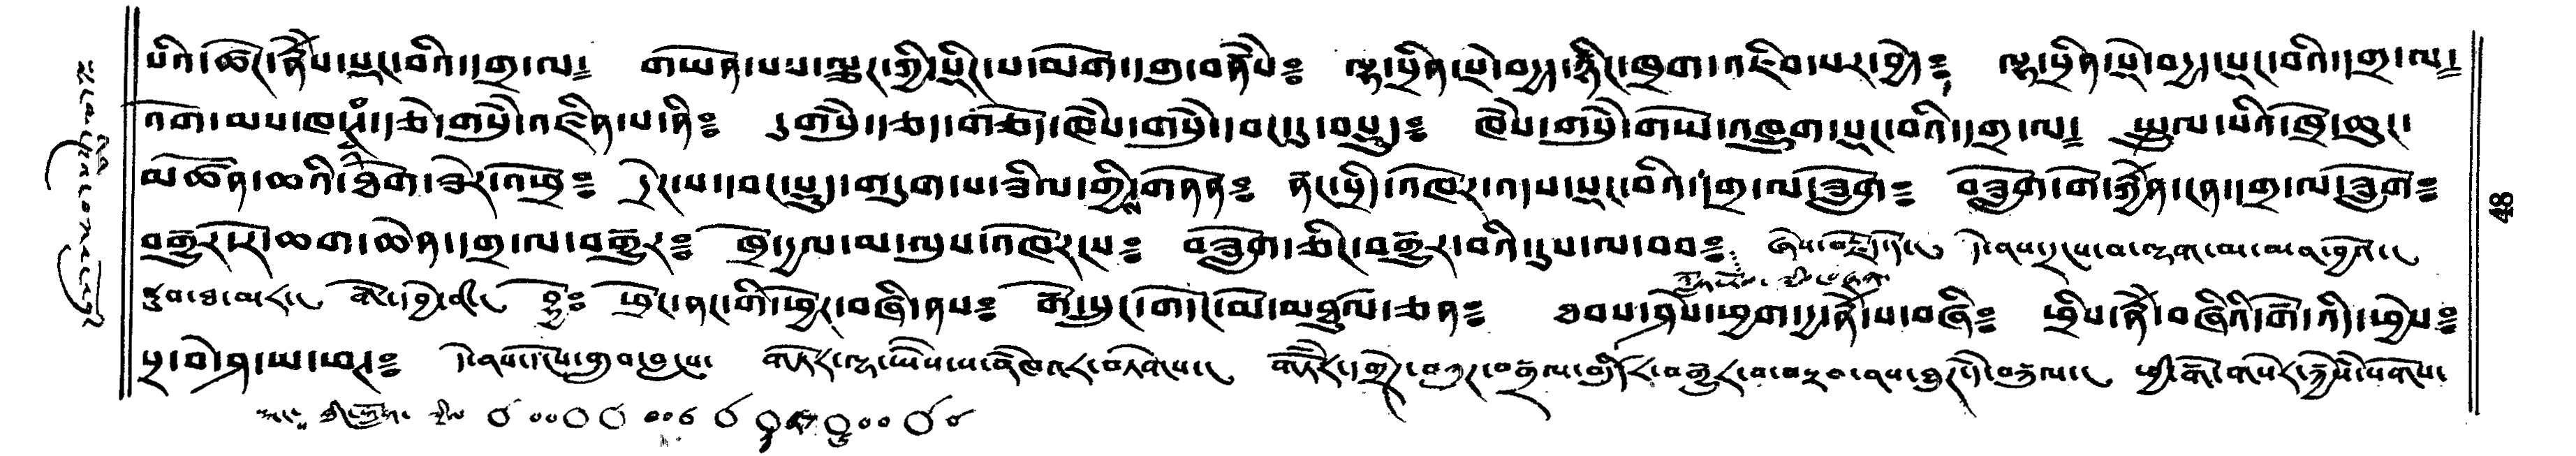པའི་ཚོགས་རྣམས་སྡང་བའི་དགྲ་ལ༴ གཡོན་པས་ལྕགས་ཀྱི་སྡིགས་པ་མགོ་དགུ་བསྣམས༔ ལྷ་སྲིན་སྡེ་བརྒྱད་ཉིང་ཁྲག་འཇིབ་པར་བྱེད༔ ལྷ་སྲིན་སྡེ་བརྒྱད་སྡང་བའི་དགྲ་ལ༴ 
འོག་མས་ཁ་ཊྭཱཾ་རྩེ་གསུམ་འཛིན་པ་ནི༔ དུག་གསུམ་རྩད་གཅོད་ཁམས་གསུམ་དབང་དུ་སྡུད༔ ཁམས་གསུམ་གཡོ་འཁྲུག་སྡང་བའི་དགྲ་ལ༴ སྤྲུལ་བའི་ཁྲོ་ཆུང་
མཚོན་ཆའི་ཐོག་ཟེར་འཕྲོ༔དྲེགས་པ་དབང་སྡུད་གདུག་པ་ཟིལ་གྱིས་གནོན༔ སྣང་སྲིད་འཁོར་འདས་སྡང་བའི་དགྲ་ལ་ཟློག༔ ཟློག་གོ་རྐྱེན་ངན་དགྲ་ལ་ཟློག༔ 
སྒྱུར་རོ་ཆག་ཆེན་དགྲ་ལ་སྒྱུར༔ ཁྲོ་རྒྱལ་མ་ལུས་འཁོར་བཅས་རྣམས༔ ཟློག་ཅིང་སྒྱུར་བའི་དུས་ལ་བབ༔ ཞེས་བརྗོད་དོ། དེ་ནས་དྲང་བ་ལྷག་མ་མན་བྱའོ། 
ནུབ་ཐ་མར། སྒོ་དབྱེ་ནི། བྷྱོ༔ ཕོ་བྲང་ནང་གི་ཕྱོགས་བཞི་ནས༔ སྒོ་སྲུང་གདོང་མོ་མཐུ་རྩལ་ཅན༔ ཐབས་ཤེས་ཕྱག་རྒྱ་རྣམ་པ་བཞི༔ ཕྲིན་ལས་རྣམ་བཞིའི་སྒོ་འདི་ཕྱེས༔ 
པྲ་བེ་ཤ་ཡ་ཕཊ༔ དེ་ནས་དངོས་གྲུབ་བླངས། གཏོར་ལྷ་ཡེ་ཤེསཔས་ནམ་མཁར་བཏེགས༔ གཏོར་མར་དགྲ་བགེགས་བཀུགས་ལ་བསྒྲལ། བདུད་རྩིར་བསྒྱུར་པ་བསྟབས་ནས་ཐུགས་དམ་བསྐུལ། ཕྱི་སྒོ་གསེར་སྐྱེམས་སོགས་